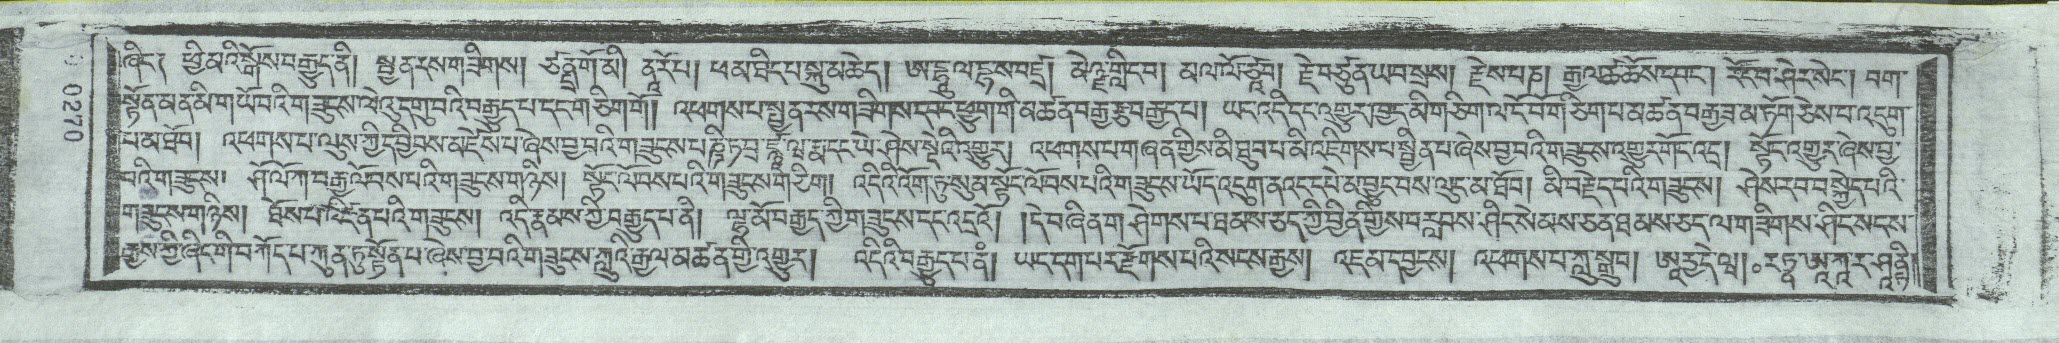ཞིང༑ ཕྱི་མའི་སྒོས་བརྒྱུད་ནི། སྤྱན་རས་གཟིགས། ཙནྡྲ་གོ་མི། ནཱ་རོ་པ། ཕམ་ཐིང་པ་སྐུ་མཆེད། ཨ་དྷཱུ་ལ་དྷས་བཛྲ། མེཉྫ་གླིང་པ། མལ་ལོ་ཙཱ་བ། རྗེ་བཙུན་ཡབ་སྲས། རྗེས་པཎ། རྒྱལ་ཚོ་ཆོས་དབང་། རོ་བ་ཤེར་སེང་། བག་
སྟོན་མན་མི་གཡོ་བའི་གཟུངས་ལེའུ་དགུ་པའི་བརྒྱུད་པ་དང་གཅིག་གོ། འཕགས་པ་སྤྱན་རས་གཟིགས་དབང་ཕྱུག་གི་མཚན་བརྒྱ་རྩ་བརྒྱད་པ། ཡང་འདི་དང་འགྱུར་ཁྱད་མི་གཅིག་ལ་ངོ་བོ་གཅིག་པ་མཚན་བརྒྱ་ཟ་མ་ཏོག་ཅེས་པ་འདུག་
པ་མ་ཐོབ། འཕགས་པ་ལུས་ཀྱི་དབྱིབས་མཛེས་པ་ཞེས་བྱ་བའི་གཟུངས་པཎྜི་ཏ་བྲ་ཛྙཱ་ཝ་རྨ་དང་ཡེ་ཤེས་སྡེའི་གྱུར། འཕགས་པ་གཞན་གྱིས་མི་ཐུབ་པ་མི་འཇིགས་པ་སྦྱིན་པ་ཞེས་བྱ་བའི་གཟུངས་འགྱུར་གོང་འདྲ། སྟོང་འགྱུར་ཞེས་བྱ་
བའི་གཟུངས། ཤོ་ལོ་ཀ་བརྒྱ་ལོ་བས་པའི་གཟུངས་གཉིས། སྟོང་ལོངས་པའི་གཟུངས་གཅིག། འདིའི་འོག་ཏུ་སུམ་སྟོང་ལོབས་པའི་གཟུངས་ཡོད་འདུག་ནའང་དཔེ་མ་བྱུང་བས་ལུང་མ་ཐོབ། མི་བརྗེད་པའི་གཟུངས། ཤེས་རབ་བསྐྱེད་པའི་
གཟུངས་གཉིས། ཐོས་པ་འཛིན་པའི་གཟུངས། འདི་རྣམས་ཀྱི་བརྒྱུད་པ་ནི། ལྷ་མོ་བརྒྱུད་ཀྱི་གཟུངས་དང་འདྲའོ། །དེ་བཞིན་གཤེགས་པ་ཐམས་ཅད་ཀྱི་བྱིན་གྱིས་བརླབས་ཤིང་སེམས་ཅན་ཐམས་ཅད་ལ་གཟིགས་ཤིང་སངས་
རྒྱས་ཀྱི་ཞིང་གི་བཀོད་པ་ཀུན་བསྟོན་པ་ཞེས་བྱ་བའི་གཟུངས་ཀླུའི་རྒྱལ་མཚན་གྱི་འགྱུར། འདིའི་བརྒྱུད་པ་ནཾ། ཡང་དག་པར་རྫོགས་པའི་སངས་རྒྱས། འཇམ་དབྱངས། འཕགས་པ་ཀླུ་སྒྲུབ། ཨཱ་ཆུ་དེ་ཝ། རཏྣ་ཨཱ་ཀཱ་ར་ཤརྟིཏ།